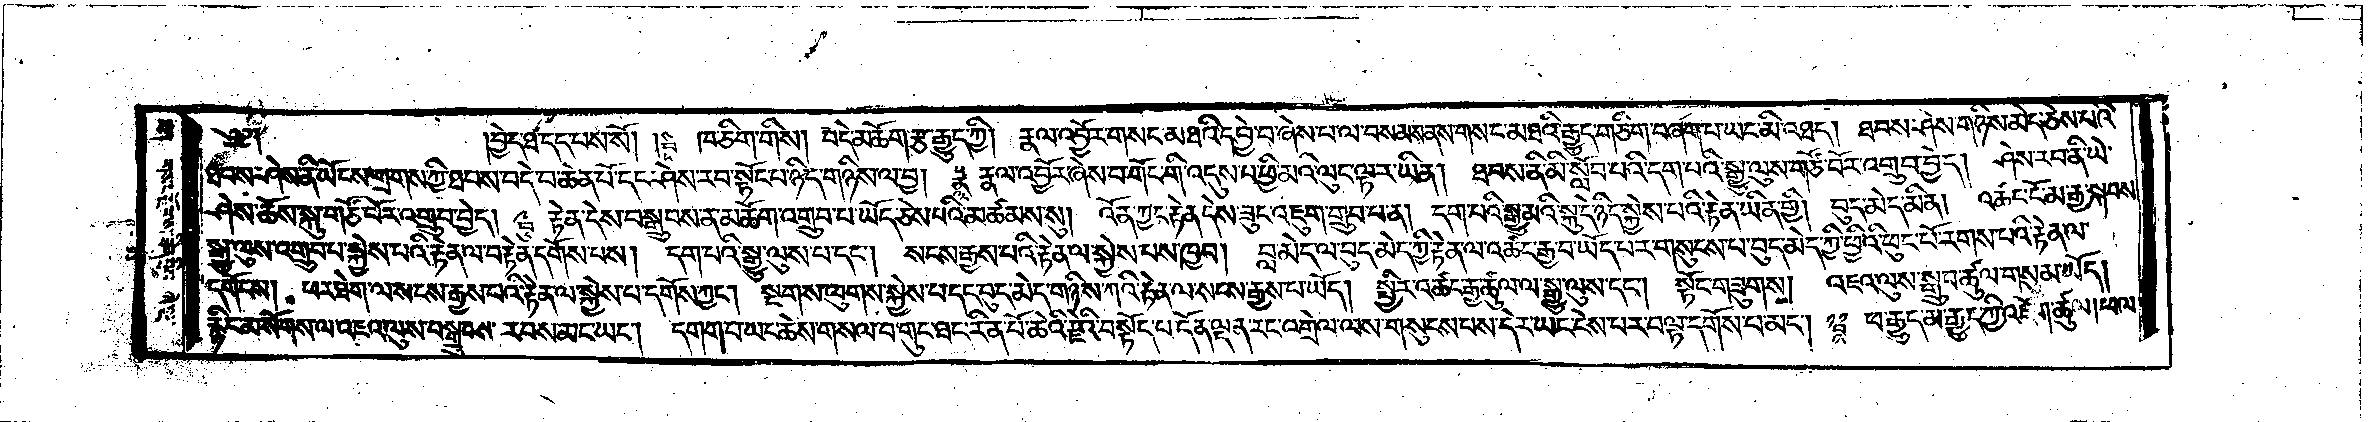༄༅། །བྱེད་ཐ་དད་པས་སོ། །༤བ༥་ཁ་ཅིག་གིས། བདེ་མཆོག་རྩ་རྒྱུད་ཀྱི། རྣལ་འབྱོར་གསང་མཐའི་དབྱེ་བ་ཞེས་པ་ལ་བསམས་ནས་གསང་མཐའི་རྒྱུད་གཅིག་བཞག་པ་ཡང་མི་འཐད། ཐབས་ཤེས་གཉིས་མེད་ཅེས་པའི་
ཐབས་ཤེས་ནི་ཡོངས་གྲགས་ཀྱི་ཐབས་བདེ་བ་ཆེན་པོ་དང་ཤེས་རབ་སྟོང་པ་ཉིད་གཉིས་ལ་བྱ། ༥ན༣་རྣལ་འབྱོར་ཞེས་བ་གོང་གི་འདུས་པ་ཕྱི་མའི་ལུང་ལྟར་ཡིན། ཐབས་ནི་མི་སློབ་པའི་དག་པའི་སྒྱུ་ལུས་གཙོ་བོར་འགྲུབ་བྱེད། ཤེས་རབ་ནི་ཡེ་
ཤེས་ཆོས་སྐུ་གཙོ་བོར་འགྲུབ་བྱེད། ༩བ༦་རྟེན་དེས་བསྒྲུབས་ན་མཆོག་འགྲུབ་པ་ཡོད་ཅེས་པའི་མཚམས་སུ། འོན་ཀྱང་རྟེན་དེས་ཟུང་འཇུག་གྲུབ་པ་ན། དག་པའི་སྒྱུ་མའི་སྐུ་དེ་ཉིད་སྐྱེས་པའི་རྟེན་ཡིན་གྱི། བུད་མེད་མིན། འཚང་ངོ་མ་རྒྱ་སྐབས་
སྒྱུ་ལུས་འགྲུབ་པ་སྐྱེས་པའི་རྟེན་ལ་བརྟེན་དགོས་པས། དག་པའི་སྒྱུ་ལུས་པ་དང་། སངས་རྒྱས་པའི་རྟེན་ལ་སྐྱེས་པས་ཁྱབ། བླ་མེད་ལ་བུད་མེད་ཀྱི་རྟེན་ལ་འཚང་རྒྱ་བ་ཡོད་པར་གསུངས་པ་བུད་མེད་ཀྱི་ཕྱིའི་ཕུང་པོ་རགས་པའི་རྟེན་ལ་
དགོངས། ཕར་ཐེག་ལ་སངས་རྒྱས་པའི་རྟེན་ལ་སྐྱེས་པ་དགོས་ཀྱང་། སྔགས་ལུགས་སྐྱེས་པ་དང་བུད་མེད་གཉིས་ཀའི་རྟེན་ལ་སངས་རྒྱས་པ་ཡོད། སྤྱིར་འཚང་རྒྱ་ཚུལ་ལ་སྒྱུ་ལུས་དང་། སྟོང་གཟུགས། འཇའ་ལུས་སྒྲུབ་ཚུལ་གསུམ་ཡོད།
རྙིང་མ་སོགས་ལ་འཇའ་ལུས་བསྒྲུབས་རབས་མང་ཡང་། དགག་པ་ཡང་ཆེས་གསལ་བ་གུང་ཐང་རིན་པོ་ཆེའི་རྗེའི་བསྟོད་པ་དོན་ལྡན་རང་འགྲེལ་ལས་གསུངས་པས་དེར་ཡང་ངེས་པར་བལྟ་དགོས་པ་མང་། ༡༡བ༢་ཕ་རྒྱུད་མ་རྒྱུད་ཀྱི་འཇོག་ཚུལ་།ཕལ་